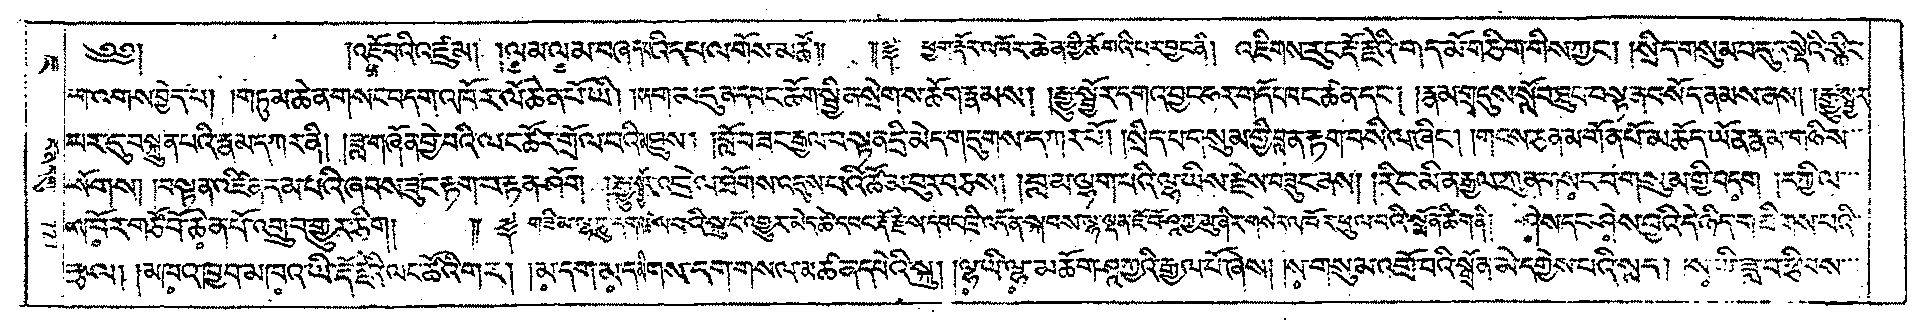༄༅། །འཇོ་~྾་བའི་འཛུམ། །ལམ྾་ལམ྾་བཞད་པའི་དཔལ་གོས་མཚོ།། །། ༈ ཕྱག་རྡོར་འཁོར་ཆེན་གྱི་ཆོ་གའི་པར་བྱང་ནི།  འཇིགས་རུང་རྡོ་རྗེའི་གད་མོ་གཅིག་གིས་ཀྱང་། །སྲིད་གསུམ་བདུད་སྡེའི་སྙིང་
ག་འགས་བྱེད་པ། །གཏུམ་ཆེན་གསང་བདག་འཁོར་ལོ་ཆེན་པོ་ཡི། །བདག་མདུན་དབང་ཆོག་སྦྱིན་སྲེགས་ཆོག་རྣམས། །རྒྱུ་སྦྱོར་དགའ་བྱང་ཧར་གདོང་ཁང་ཚན་དང་། །རྣམ་གྲྭ་དུས་སློབ་ཐུབ་བསྟན་བསོད་ནམས་ནས། །རྒྱུ་སྦྱར་
པར་དུ་བསྐྲུན་པའི་རྣམ་དཀར་ནི། །ཟླ་གཞོན་བྱེ་བའི་ལང་ཚོར་གྲོལ་བའི་མཐུས། །བློ་བཟང་རྒྱལ་བསྟན་དྲི་མེད་གདུགས་དཀར་པོ། །སྲིད་པ་གསུམ་གྱི་བླ་ན་རྟག་བསིལ་ཞིང་། །གངས་ཅན་མགོན་པོ་མཆོད་ཡོན་རྣམ་གཉིས་
སོགས། །བསྟན་འཛིན་དམ་པའི་ཞབས་ཟུང་རྟག་བརྟན་ཤོག །རྒྱུ་སྦྱོར་འབྲེལ་ཐོགས་འདུས་པའི་ཚོམ་བུར་བཅས། །བླ་མ་ལྷག་པའི་ལྷ་ཡིས་རྗེས་བཟུང་ནས། །རིང་མིན་རྒྱལ་ཀུན་གསང྾་བ་གསུམ་གྱི་བདག྾་།དཀྱིལ་
འཁོར྾་གཙོ་བོ་ཆེན྾་པོ་འགྲུབ་གྱུར་ཅིག ། །། ༈ གཟིམ་ལྷ་ཀླུ་དགའ་ཚལ་བའི་སྐུ་ངོ་འགྱུར་མེད་ཚེ་དབང་རྡོ་རྗེ་ས་དབང་ཁྲི་འདོན་སྐབས་ལྷ་ལྡན་ཇོ་བོ་ཤཱཀྱ་མུ་ནིར་གསེར་འཁོར་ཕུལ་བའི་སྨོན་ཚིག་ནི།  ཤེས྾་དང་ཤེས྾་བྱའི་དེ་ཉིད་གཟིགས་པའི་
རྩལ། །མཁའ྾་ཁྱབ་མཁའ྾་ཡི་རྡོ་རྗེའི་ལང་ཚོའི་གར། །མ་དག་མ་དམིགས་དག་གསལ་མཚན་དཔེའི་སྐུ། །ལྷ྾་ཡི་ལྷ྾་མཆོག་ཤཱཀྱའི་རྒྱལ་པོ་ཞེས། །ས྾་གསུམ་འགྲོ་བའི་སྒྲོན་མེ་དགྱེས་པའི་སླད། །ས྾་ཡི་ཟླ་བ་རྩིབས་